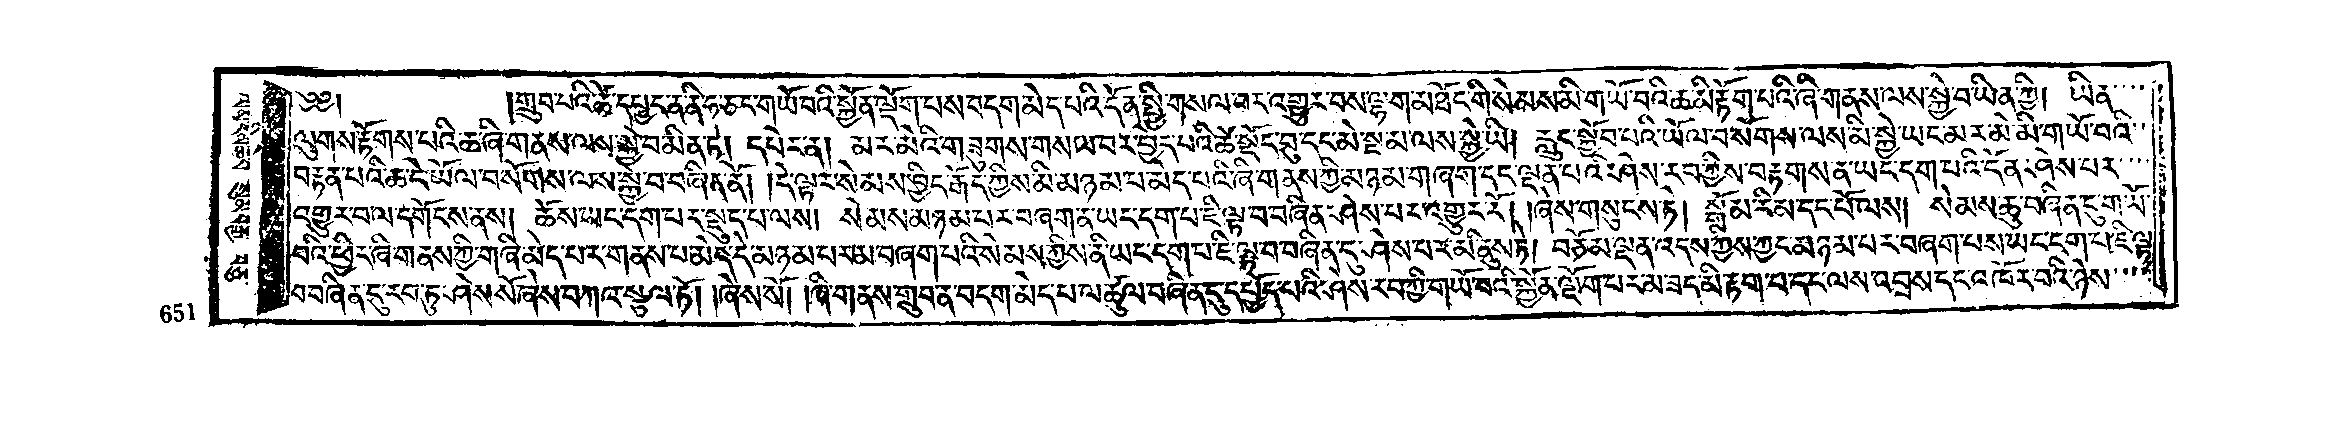༄༅། །གྲུབ་པའི་ཚེ་དཔྱད་ན་ནི་ཧ་ཅང་གཡོ་བའི་སྐྱོན་ལྡོག་པས་བདག་མེད་པའི་དོན་སྤྱི་གསལ་བར་འགྱུར་བས་ལྷག་མཐོང་གི་སེམས་མི་གཡོ་བའི་ཆ་མི་རྟོག་པའི་ཞི་གནས་ལས་སྐྱེ་བ་ཡིན་གྱི། ཡིན་
ལུགས་རྟོགས་པའི་ཆ་ཞི་གནས་ལས་སྐྱེ་བ་མིན་ཏེ། དཔེར་ན། མར་མེའི་གཟུགས་གསལ་བར་བྱེད་པའི་ཆ་སྡོང་བུ་དང་མེ་སྔ་མ་ལས་སྐྱེ་ཡི། རླུང་སྐྱོབ་པའི་ཡོལ་བ་སོགས་ལས་མི་སྐྱེ་ཡང་མར་མེ་མི་གཡོ་བའི་
བརྟན་པའི་ཆ་དེ་ཡོལ་བ་སོགས་ལས་སྐྱེ་བ་བཞིན་ནོ། །དེ་ལྟར་སེམས་བྱིང་རྒོད་ཀྱིས་མི་མཉམ་པ་མེད་པའི་ཞི་གནས་ཀྱི་མཉམ་གཞག་དང་ལྡན་པའི་ཤེས་རབ་ཀྱིས་བརྟགས་ན་ཡང་དག་པའི་དོན་ཤེས་པར་
འགྱུར་བ་ལ་དགོངས་ནས། ཆོས་ཡང་དག་པར་སྡུད་པ་ལས། སེམས་མཉམ་པར་བཞག་ན་ཡང་དག་པ་ཇི་ལྟ་བ་བཞིན་ཤེས་པར་འགྱུར་རོ། །ཞེས་གསུངས་ཏེ། སྒོམ་རིམ་དང་པོ་ལས། སེམས་ཆུ་བཞིན་དུ་གཡོ་
བའི་ཕྱིར་ཞི་གནས་ཀྱི་གཞི་མེད་པར་གནས་པ་མེད་དེ་མཉམ་པར་མ་བཞག་པའི་སེམས་ཀྱིས་ནི་ཡང་དག་པ་ཇི་ལྟ་བ་བཞིན་དུ་ཤེས་པར་མི་ནུས་ཏེ། བཅོམ་ལྡན་འདས་ཀྱིས་ཀྱང་མཉམ་པར་བཞག་པས་ཡང་དག་པ་ཇི་ལྟ་
བ་བཞིན་དུ་རབ་ཏུ་ཤེས་སོ་ཞེས་བཀའ་སྩལ་ཏོ། །ཞེས་སོ། །ཞི་གནས་གྲུབ་ན་བདག་མེད་པ་ལ་ཚུལ་བཞིན་དུ་དཔྱོད་པའི་ཤེས་རབ་ཀྱི་གཡོ་བའི་སྐྱོན་ལྡོག་པར་མ་ཟད་མི་རྟག་པ་དང་ལས་འབྲས་དང་འཁོར་བའི་ཉེས་